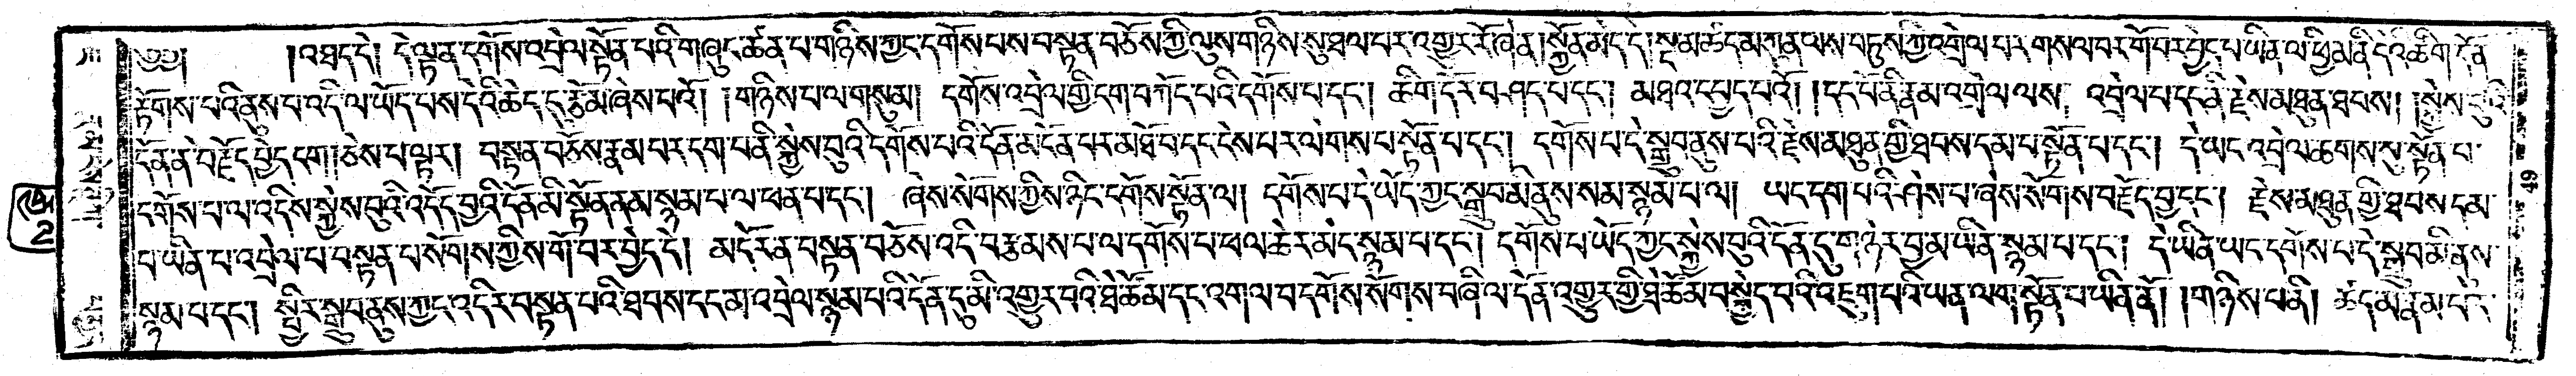༄༅། །འཐད་དེ། དེ་ལྟ་ན་དགོས་འབྲེལ་སྟོན་པའི་གཞུང་ཚན་པ་གཉིས་ཀྱང་དགོས་པས་བསྟན་བཅོས་ཀྱི་ལུས་གཉིས་སུ་ཐལ་བར་འགྱུར་རོ་ཞེ་ན། སྐྱོན་མེད་དེ། སྔ་མ་ཚད་མ་ཀུན་ལས་བཏུས་ཀྱི་འགྲེལ་པར་གསལ་བར་གོ་བར་བྱེད་པ་ཡིན་ལ་ཕྱི་མ་ནི་དེའི་ཚིག་དོན་
རྟོགས་པའི་ནུས་པ་འདི་ལ་ཡོད་པས་དེའི་ཆེད་དུ་རྩོམ་ཞེས་པའོ། །གཉིས་པ་ལ་གསུམ། དགོས་འབྲེལ་གྱི་དག་བཀོད་པའི་དགོས་པ་དང་། ཚིག་དོར་བཤད་པ་དང་། མཐའ་དཔྱད་པའོ། །དང་པོ་ནི་རྣམ་འགྲེལ་ལས། འབྲེལ་པ་དང་ནི་རྗེས་མཐུན་ཐབས། །སྐྱེས་བུའི་
དོན་ནི་བརྗོད་བྱེད་དག །ཅེས་པ་ལྟར། བསྟན་བཅོས་རྣམ་པར་དག་པ་ནི་སྐྱེས་བུའི་དགོས་པའི་དོན་མངོན་པར་མཐོ་བ་དང་ངེས་པར་ལེགས་པ་སྟོན་པ་དང་། དགོས་པ་དེ་སྒྲུབ་ནུས་པའི་རྗེས་མཐུན་གྱི་ཐབས་དམ་པ་སྟོན་པ་དང་། དེ་ཡང་འབྲེལ་ཆགས་སུ་སྟོན་པ་
དགོས་པ་ལ་འདིས་སྐྱེས་བུའི་འདོད་བྱའི་དོན་མི་སྟོན་ནམ་སྙམ་པ་ལ་ཕན་པ་དང་། ཞེས་སོགས་ཀྱིས་ཉིང་དགོས་སྟོན་ལ། དགོས་པ་དེ་ཡོད་ཀྱང་སྒྲུབ་མི་ནུས་སམ་སྙམ་པ་ལ། ཡང་དག་པའི་ཤེས་པ་ཞེས་སོགས་བརྗོད་བྱ་དང་། རྗེས་མཐུན་གྱི་ཐབས་དམ་
པ་ཡིན་པ་འབྲེལ་པ་བསྟན་པ་སོགས་ཀྱིས་གོ་བར་བྱེད་དེ། མདོར་ན་བསྟན་བཅོས་འདི་བརྩམས་པ་ལ་དགོས་པ་ཕལ་ཆེར་མེད་སྙམ་པ་དང་། དགོས་པ་ཡོད་ཀྱང་སྐྱེས་བུའི་དོན་དུ་གཉེར་བྱ་མ་ཡིན་སྙམ་པ་དང་། དེ་ཡིན་ཡང་དགོས་པ་དེ་སྒྲུབ་མི་ནུས་
སྙམ་པ་དང་། སྤྱིར་སྒྲུབ་ནུས་ཀྱང་འདིར་བསྟན་པའི་ཐབས་དང་མ་འབྲེལ་སྙམ་པའི་དོན་དུ་མི་འགྱུར་བའི་ཐེ་ཚོམ་དང་འགལ་བ་དགོས་སོགས་བཞི་ལ་དོན་འགྱུར་གྱི་ཐེ་ཚོམ་བསྐྱེད་པའི་འཇུག་པའི་ཡན་ལག་སྟོན་པ་ཡིན་ནོ། །གཉིས་པ་ནི། ཚད་མ་རྣམ་པར་